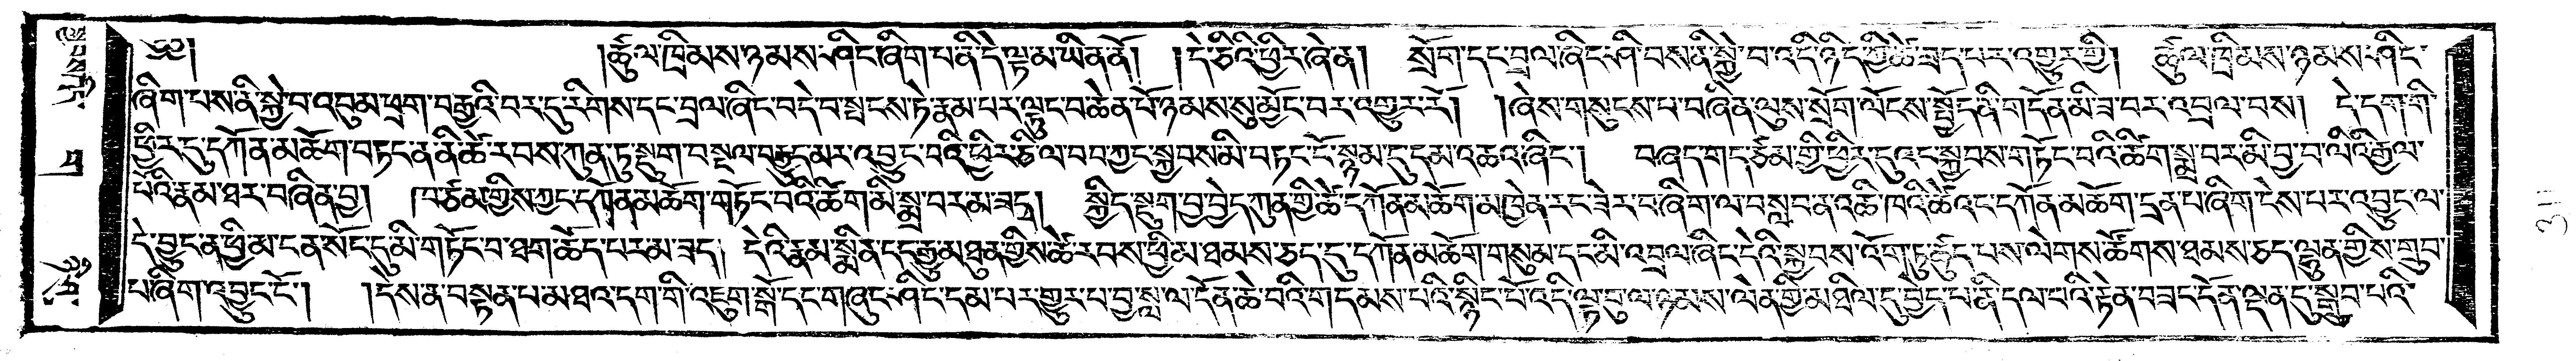༄༅། །ཚུལ་ཁྲིམས་ཉམས་ཤིང་ཞིག་པ་ནི་དེ་ལྟ་མ་ཡིན་ནོ། །དེ་ཅིའི་ཕྱིར་ཞེ་ན། སྲོག་དང་བྲལ་ཞིང་ཤི་བས་ནི་སྐྱེ་བ་འདི་ཉིད་ཀྱི་ཚེ་ཟད་པར་འགྱུར་གྱི། ཚུལ་ཁྲིམས་ཉམས་ཤིང་
ཞིག་པས་ནི་སྐྱེ་བ་འབུམ་ཕྲག་བརྒྱའི་བར་དུ་རིགས་དང་བྲལ་ཞིང་བདེ་བ་སྤངས་ཏེ་རྣམ་པར་ལྷུང་བ་ཆེན་པོ་ཉམས་སུ་མྱོང་བར་འགྱུར་རོ། །ཞེས་གསུངས་པ་བཞིན་ལུས་སྲོག་ལོངས་སྤྱོད་ནི་གདོན་མི་ཟ་བར་འབྲལ་བས། དེ་དག་གི་
ཕྱིར་དུ་དཀོན་མཆོག་བཏང་ན་ནི་ཚེ་རབས་ཀུན་ཏུ་སྡུག་བསྔལ་བརྒྱུད་མར་འབྱུང་བའི་ཕྱིར་ཅི་ལ་བབ་ཀྱང་སྐྱབས་མི་བཏང་ངོ་སྙམ་དུ་དམ་འཆའ་ཞིང་། བཞད་གད་ཙམ་གྱི་ཕྱིར་དུའང་སྐྱབས་གཏོང་བའི་ཚིག་སྨྲ་བར་མི་བྱ་བ་ལིའི་རྒྱལ་
པོའི་རྣམ་ཐར་བཞིན་བྱ། ཁ་ཙམ་གྱིས་ཀྱང་དཀོན་མཆོག་གཏོང་བའི་ཚིག་མི་སྨྲ་བར་མ་ཟད། སྐྱིད་སྡུག་བྱ་བྱེད་ཀུན་གྱི་ཚེ་དཀོན་མཆོག་མཁྱེན་རང་ཟེར་བ་ཞིག་ལ་བསླབ་ན་འཆི་ཁའི་ཚེའང་དཀོན་མཆོག་དྲན་པ་ཞིག་ངེས་པར་འབྱུང་ལ་
དེ་བྱུང་ན་ཕྱི་མ་ངན་སོང་དུ་མི་གཏོང་བ་ཐག་ཆོད་པར་མ་ཟད། དེའི་རྣམ་སྨིན་དང་རྒྱུ་མཐུན་གྱིས་ཚེ་རབས་ཕྱི་མ་ཐམས་ཅད་དུ་དཀོན་མཆོག་གསུམ་དང་མི་འབྲལ་ཞིང་དེའི་སྐྱབས་འོག་ཏུ་ཚུད་པས་ལེགས་ཚོགས་ཐམས་ཅད་ལྷུན་གྱིས་གྲུབ་
པ་ཞིག་འབྱུང་ངོ། །དེས་ན་བསྟན་པ་མཐའ་དག་གི་འཇུག་སྒོ་དང་གཞུང་ཤིང་དམ་པར་གྱུར་པ་བྱ་སླ་ལ་དོན་ཆེ་བའི་གདམས་པའི་སྙིང་པོ་འདི་ལྟ་བུ་ལ་ཉམས་ལེན་གྱི་མཐིལ་དུ་བྱེད་པ་ནི་དལ་བའི་རྟེན་བཟང་དོན་ལྡན་དུ་སྒྲུབ་པའི་